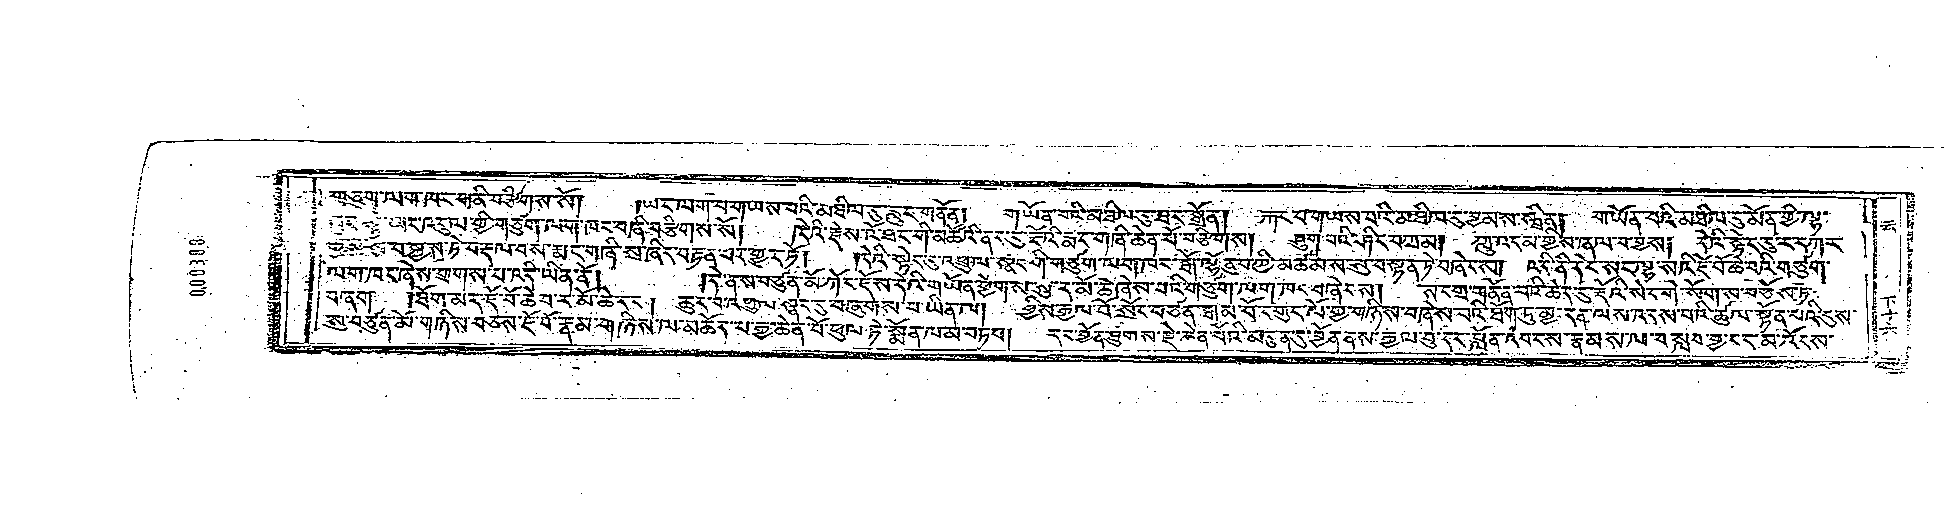གཙུག་ལག་ཁང་བཞི་བརྩིགས་སོ། །ཡང་ལག་པ་གཡས་པའི་མཐིལ་དུ་རླུང་གནོན། གཡོན་པའི་མཐིལ་དུ་ཐང་སྒྲོན། རྐང་པ་གཡས་པའི་མཐིལ་དུ་བྱམས་སྤྲིན། གཡོན་པའི་མཐིལ་དུ་མོན་གྱི་ལྟ་
ཁང་སྟེ་ཡང་འདུལ་གྱི་གཙུག་ལག་ཁང་བཞི་བརྩིགས་སོ། །དེའི་རྗེས་འོ་ཐང་གི་མཚོའི་ནང་དུ་རྡོའི་རྨང་གཞི་ཆེན་པོ་བརྩིགས། ཤུག་པའི་ཤིང་བཀྲམ། ཀླུ་འདམ་གྱིས་ཞལ་བ་བྱས། དེའི་སྟེང་དུ་ར་དཀར་
རྒྱས་ས་བསྐྱས་ཏེ་བརྡལ་བས་རྨང་གཞི་སྲ་ཞིང་བརྟན་པར་གྱུར་ཏོ། །དེའི་སྟེང་དུ་འཕྲུལ་སྣང་གི་གཙུག་ལག་ཁང་སྒོ་ལྷོ་ནུབ་ཀྱི་མཚམས་སུ་བསྟན་ཏེ་བཞེངས། འདི་ནི་དེང་སང་ལྷ་སའི་ཇོ་བོ་ཆེ་བའི་གཙུག་
ལག་ཁང་ཞེས་གྲགས་པ་འདི་ཡིན་ནོ། །དེ་ནས་བཙུན་མོ་ཀོང་ཇོས་དེའི་གཡོན་ཕྱོགས་སུ་ར་མོ་ཆེ་ཞེས་པའི་གཙུག་ལག་ཁང་བཞེངས། ས་དགྲ་གནོན་པའི་ཆེད་དུ་རྡོའི་སེང་གེ་སོགས་བཅོས་ཏེ་
བཞག །ཐོག་མར་ཇོ་བོ་ཆེ་བ་ར་མོ་ཆེ་དང་། ཆུང་བ་འཕྲུལ་སྣང་དུ་བཞུགས་པ་ཡིན་ལ། ཕྱིས་རྒྱལ་པོ་སྲོང་བཙན་སྒམ་པོ་དགུང་ལོ་གྱ་གཉིས་བཞེས་བའི་ཐོག་ཏུ་མྱ་ངན་ལས་འདས་པའི་ཚུལ་སྟོན་པའི་དུས་
སུ་བཙུན་མོ་གཉིས་བཅས་ཇོ་བོ་རྣམ་གཉིས་ལ་མཆོད་པ་རྒྱ་ཆེན་པོ་ཕུལ་ཏེ་སྨོན་ལམ་བཏབ། རང་བྱོན་ཐུགས་རྗེ་ཆེན་པོའི་མདུན་དུ་བྱོན་ནས་རྒྱལ་བུ་དང་བློན་འབངས་རྣམས་ལ་བསླབ་བྱ་དད་མ་འོངས་